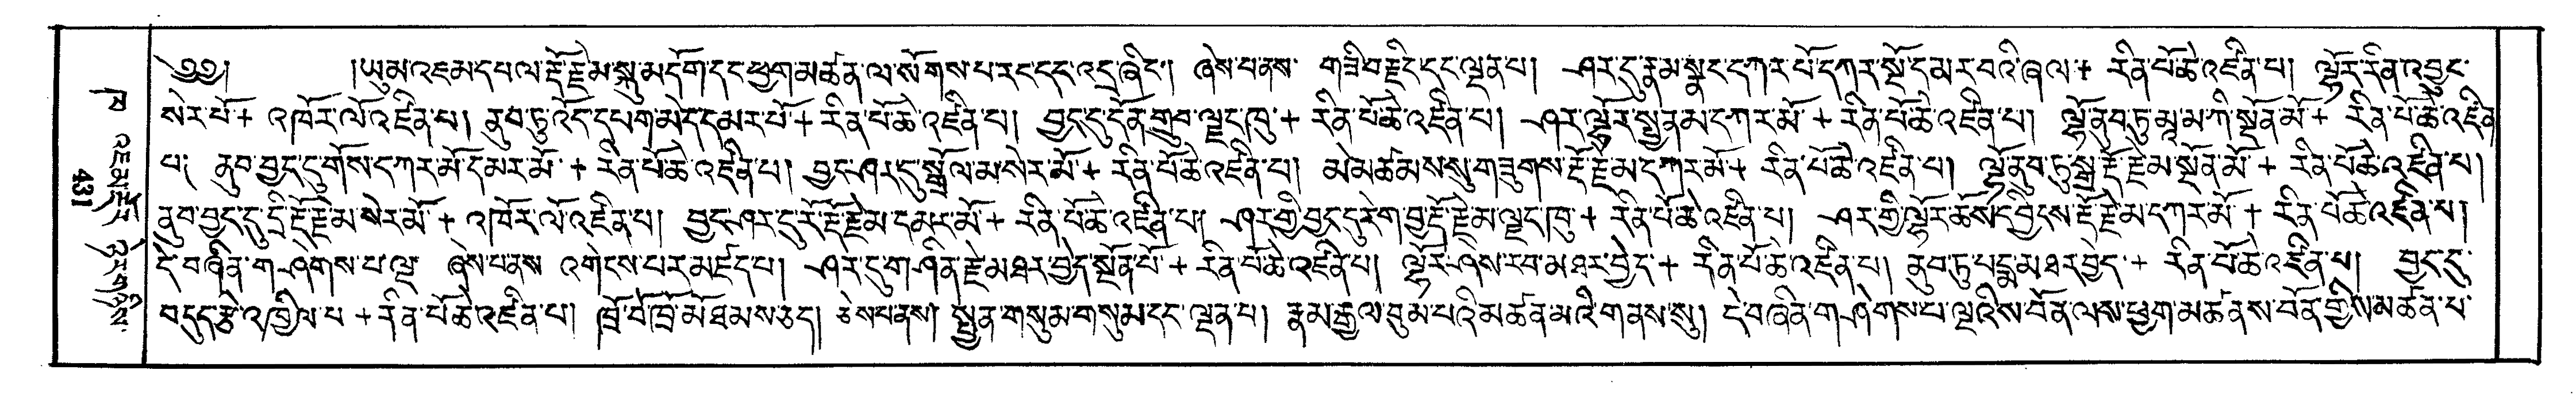༄༅། །ཡུམ་འཇམ་དཔལ་རྡོ་རྗེ་མ་སྐུ་མདོག་དང་ཕྱག་མཚན་ལ་སོགས་པ་རང་དང་འདྲ་ཞིང་། ཞེས་པ་ནས་གཟི་བརྗིད་དང་ལྡན་པ། ཤར་དུ་རྣམ་སྣང་དཀར་པོ་དཀར་སྔོ་དམར་བའི་ཞལ། +་རིན་པོ་ཆེ་འཛིན་པ། ལྷོར་རིན་འབྱུང་
སེར་པོ་+་འཁོར་ལོ་འཛིན་པ། ནུབ་ཏུ་འོད་དཔག་མེད་དམར་བོ་+་རིན་པོ་ཆེ་འཛིན་པ། བྱང་དུ་དོན་གྲུབ་ལྗང་ཁུ་+་རིན་པོ་ཆེ་འཛིན་པ། ཤར་ལྷོར་སྤྱན་མ་དཀར་མོ་+་རིན་པོ་ཆེ་འཛིན་པ། ལྷོ་ནུབ་ཏུ་མཱ་མ་ཀཱི་སྔོན་མོ་+་རིན་བོ་ཆེ་འཛིན་
པ༑ ནུབ་བྱང་དུ་གོས་དཀར་མོ་དམར་མོ་+་རིན་པོ་ཆེ་འཛིན་པ། བྱང་ཤར་དུ་སྒྲོལ་མ་སེར་མོ་+་རིན་པོ་ཆེ་འཛིན་པ། མེ་མཚམས་སུ་གཟུགས་རྡོ་རྗེ་མ་དཀར་མོ་+་རིན་པོ་ཆེ་འཛིན་པ། ལྷོ་ནུབ་ཏུ་སྒྲ་རྡོ་རྗེ་མ་སྔོན་མོ་+་རིན་པོ་ཆེ་འཛིན་པ།
ནུབ་བྱང་དུ་དྲི་རྡོ་རྗེ་མ་སེར་མོ་+་འཁོར་ལོ་འཛིན་པ། བྱང་ཤར་དུ་རྡོ་རྗེ་མ་དམར་མོ་+་རིན་པོ་ཆེ་འཛིན་པ། ཤར་གྱི་བྱང་དུ་རེག་བྱ་རྡོ་རྗེ་མ་ལྗང་ཁུ་+་རིན་པོ་ཆེ་འཛིན་པ། ཤར་གྱི་ལྷོར་ཆོས་དབྱིངས་རྡོ་རྗེ་མ་དཀར་མོ་+་རིན་པོ་ཆེ་འཛིན་པ།
དེ་བཞིན་གཤེགས་པ་ལྔ་ཞེས་པ་ནས་འགེངས་པར་མཛད་པ། ཤར་དུ་གཤིན་རྗེ་མཐར་བྱེད་སྔོན་པོ་རིན་པོ་ཆེ་འཛིན་པ། ལྷོར་ཤེས་རབ་མཐར་བྱེད་+་རིན་པོ་ཆེ་འཛིན་པ། ནུབ་ཏུ་པདམ་མཐར་བྱེད་+་རིན་པོ་ཆེ་འཛིན་པ། བྱང་དུ་
བདུད་རྩི་འཁྱིལ་པ་+་རིན་པོ་ཆེ་འཛིན་པ། ཁྲོ་བོ་ཁྲོ་མོ་ཐམས་ཅད་ཅེས་པ་ནས་སྤྱན་གསུམ་གསུམ་དང་ལྡན་པ། རྣམ་རྒྱལ་བུམ་པའི་མཚན་མའི་གནས་སུ། དེ་བཞིན་གཤེགས་པ་ལྔའི་ས་བོན་ལས་ཕྱག་མཚན་ས་བོན་གྱིས་མཚན་པ་